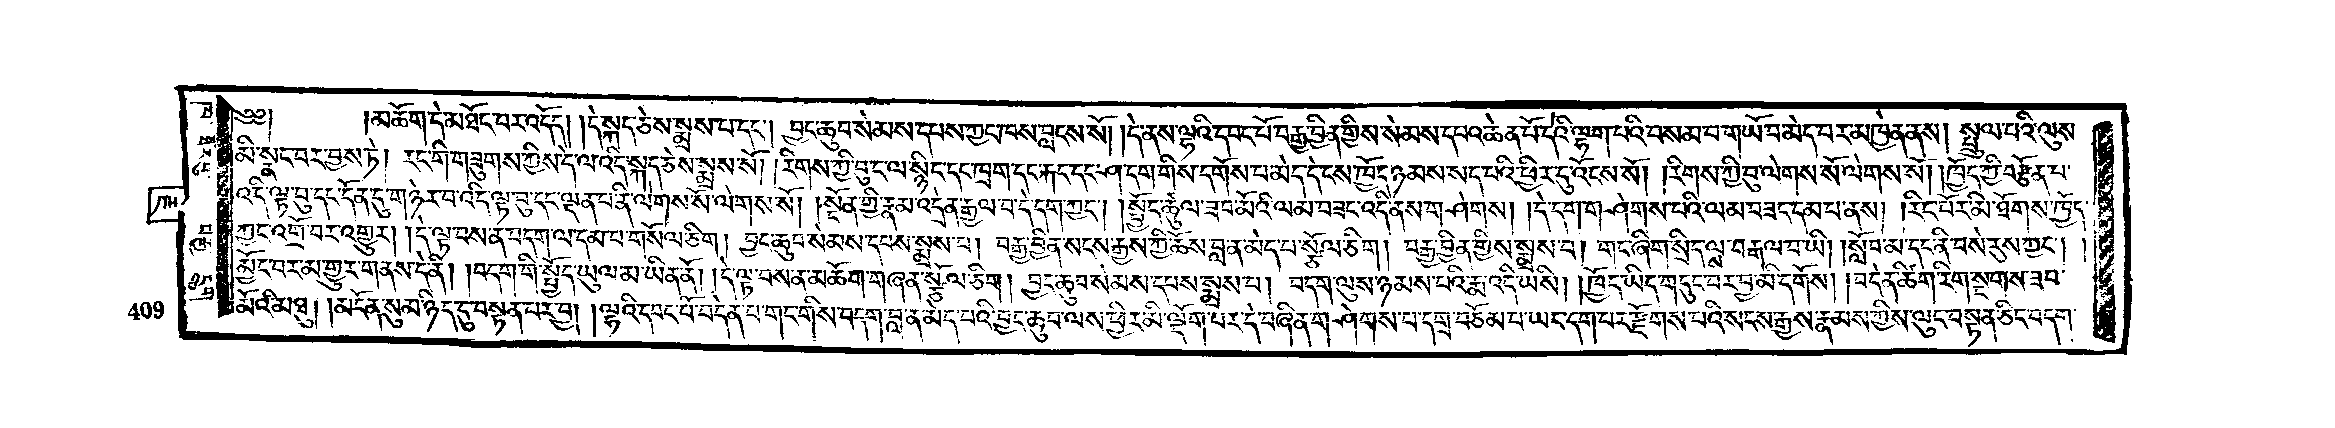༄༅། །མཆོག་དེ་མཐོང་བར་འདོད། །དེ་སྐད་ཅེས་སྨྲས་པ་དང་། བྱང་ཆུབ་སེམས་དཔས་ཀྱང་ཁས་བླངས་སོ། །དེ་ནས་ལྷའི་དབང་པོ་བརྒྱ་བྱིན་གྱིས་སེམས་དཔའ་ཆེན་པོ་དེའི་ལྷག་པའི་བསམ་པ་གཡོ་བ་མེད་པར་མཁྱེན་ནས། སྤྲུལ་པའི་ལུས་
མི་སྣང་བར་བྱས་ཏེ། རང་གི་གཟུགས་ཀྱིས་དེ་ལ་འདི་སྐད་ཅེས་སྨྲས་སོ། །རིགས་ཀྱི་བུ་ང་ལ་སྙིང་དང་ཁྲག་དང་རྐང་དང་ཤ་དག་གིས་དགོས་པ་མེད་དེ་ངས་ཁྱོད་ཉམས་སད་པའི་ཕྱིར་དུ་འོངས་སོ། །རིགས་ཀྱི་བུ་ལེགས་སོ་ལེགས་སོ། །ཁྱོད་ཀྱི་བརྩོན་པ་
འདི་ལྟ་བུ་དང་དོན་དུ་གཉེར་བ་འདི་ལྟ་བུ་དང་ལྡན་པ་ནི་ལེགས་སོ་ལེགས་སོ། །སྔོན་གྱི་རྣམ་འདྲེན་རྒྱལ་བ་དེ་དག་ཀྱང་། །སྤྱོད་ཚུལ་ཟབ་མོའི་ལམ་བཟང་འདི་ནས་གཤེགས། །དེ་དག་གཤེགས་པའི་ལམ་བཟང་དམ་པ་ནས། །རིང་པོར་མི་ཐོགས་ཁྱོད་
ཀྱང་འགྲོ་བར་འགྱུར། །དེ་ལྟ་བས་ན་བདག་ལ་དམ་པ་གསོལ་ཅིག །བྱང་ཆུབ་སེམས་དཔས་སྨྲས་པ། བརྒྱ་བྱིན་སངས་རྒྱས་ཀྱི་ཆོས་བླ་ན་མེད་པ་སྩོལ་ཅིག །བརྒྱ་བྱིན་གྱིས་སྨྲས་པ། གང་ཞིག་སྲིད་ལས་བརྒལ་བ་ཡི། །སློབ་མ་དང་ནི་བསེ་རུས་ཀྱང་། །
མྱོང་བར་མ་གྱུར་གནས་དེ་ནི། །བདག་གི་སྤྱོད་ཡུལ་མ་ཡིན་ནོ། །དེ་ལྟ་བས་ན་མཆོག་གཞན་སྩོལ་ཅིག །བྱང་ཆུབ་སེམས་དཔས་སྨྲས་པ། བདག་ལུས་ཉམས་པའི་རྨ་འདི་ཡིས། །ཁྱོད་ཡིད་གདུང་བར་བྱ་མི་དགོས། །བདེན་ཚིག་རིག་སྔགས་ཟབ་
མོའི་མཐུ། །མངོན་སུམ་ཉིད་དུ་བསྟན་པར་བྱ། །ལྷའི་དབང་པོ་བདེན་པ་གང་གིས་བདག་བླ་ན་མེད་པའི་བྱང་ཆུབ་ལས་ཕྱིར་མི་ལྡོག་པར་དེ་བཞིན་གཤེགས་པ་དགྲ་བཅོམ་པ་ཡང་དག་པར་རྫོགས་པའི་སངས་རྒྱས་རྣམས་ཀྱིས་ལུང་བསྟན་ཅིང་བདག་